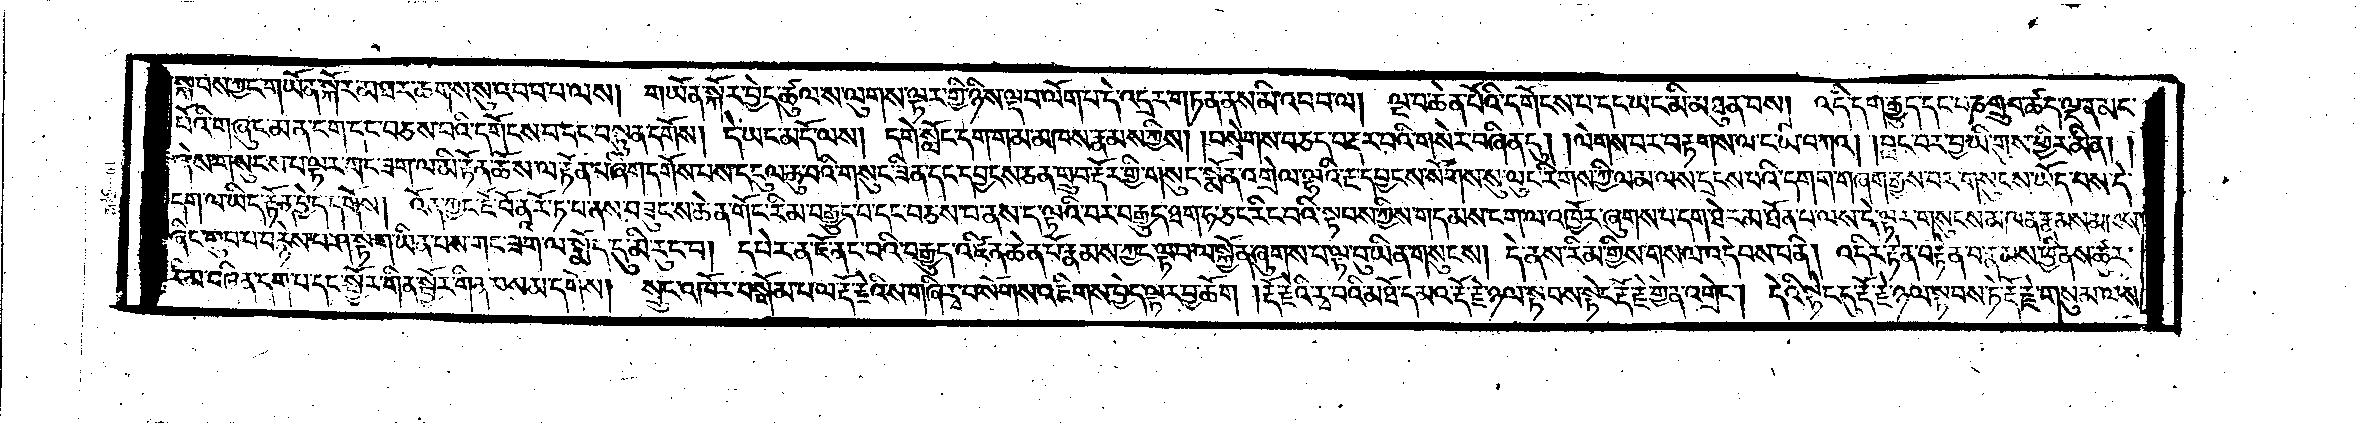སྐབས་ཀྱང་གཡོན་སྐོར་མཐར་ཆགས་སུ་འབབ་པ་ལས། གཡོན་སྐོར་བྱེད་ཚུལ་ས་ལུགས་ལྟར་གྱི་ཉིས་ལྡབ་ལོག་པ་དེ་འདྲར་གཏན་ནས་མི་འབབ་ལ། ལྔ་པ་ཆེན་པོའི་དགོངས་པ་དང་ཡང་མི་མཐུན་པས། འདི་དག་རྒྱུད་དང་པཎ་གྲུབ་ཚད་ལྡན་མང་
པོའི་གཞུང་མན་ངག་དང་བཅས་པའི་དགོངས་པ་དང་བསྟུན་དགོས། དེ་ཡང་མདོ་ལས། དགེ་སློང་དག་གམ་མཁས་རྣམས་ཀྱིས། །བསྲེགས་བཅད་བརྡར་བའི་གསེར་བཞིན་དུ། །ལེགས་པར་བརྟགས་ལ་ང་ཡི་བཀའ། །བླང་བར་བྱ་ཡི་གུས་ཕྱིར་མིན། །
ཞེས་གསུངས་པ་ལྟར་གང་ཟག་ལ་མི་རྟོན་ཆོས་ལ་རྟོན་བཞིག་དགོས་པས་དངུལ་ཆུ་བའི་གསུང་ཟིན་དང་དབྱངས་ཅན་གྲུབ་རྡོར་གྱི་གསུང་སྨོན་འགྲེལ་ལྷའི་རྔ་དབྱངས་སོགས་སུ་ལུང་རིགས་ཀྱི་ལམ་ལས་དྲངས་པའི་དགག་གཞག་རྒྱས་པར་གསུངས་ཡོད་པས་དེ་དག་ལ་ཡིད་རྟོན་བྱེད་དགོས། འོན་ཀྱང་ཇོ་བོ་ནཱ་རོ་ཏ་པ་ནས་བཟུང་ས་ཆེན་གོང་རིམ་བརྒྱུད་པ་དང་བཅས་པ་ནས་ད་ལྟའི་བར་བརྒྱུད་ཐག་ཧ་ཅང་རིང་བའི་སྟབས་ཀྱིས་གདམས་ངག་ལ་འཁྱོར་ཞུགས་པ་དག་ཐེར་མ་ཐོན་པ་ལས་དེ་ལྟར་གསུངས་མཁན་རྣམས་མཁས་
ཞིང་གྲུབ་པ་བརྙེས་པ་ཤ་སྟག་ཡིན་པས་གང་ཟག་ལ་སྨོད་དུ་མི་རུང་བ། དཔེར་ན་ཇོ་ནང་པའི་བརྒྱུད་འཛིན་ཆེན་པོ་རྣམས་ཀྱང་ལྟ་བ་ལ་སྐྱོན་ཞུགས་པ་ལྟ་བུ་ཡིན་གསུངས། དེ་ནས་རིམ་གྱིས་གསལ་འདེབས་པ་ནི། འདིར་རྟེན་བརྟེན་པ་རྣམས་ཕྱི་ནས་ཚུར་
རིམ་བཞིན་དག་པ་དང་སྦྱོར་གིན་སྦྱོར་གིན་བསམ་དགོས། སྲུང་འཁོར་བསྒོམ་པ་ལ་རྡོ་རྗེའི་ས་གཞི་རྭ་བ་སོགས་འཇིགས་བྱེད་ལྟར་བྱ་ཆོག །རྡོ་རྗེའི་རྭ་བའི་མཐོ་དམའ་རྡོ་རྗེ་ཉལ་སྟབས་སྟེང་རྡོ་རྗེ་གྱེན་འགྲེང་། དེའི་སྟེང་དུ་རྡོ་རྗེ་ཉལ་སྟབས་ཏེ་རྡོ་རྗེ་གསུམ་ལས་